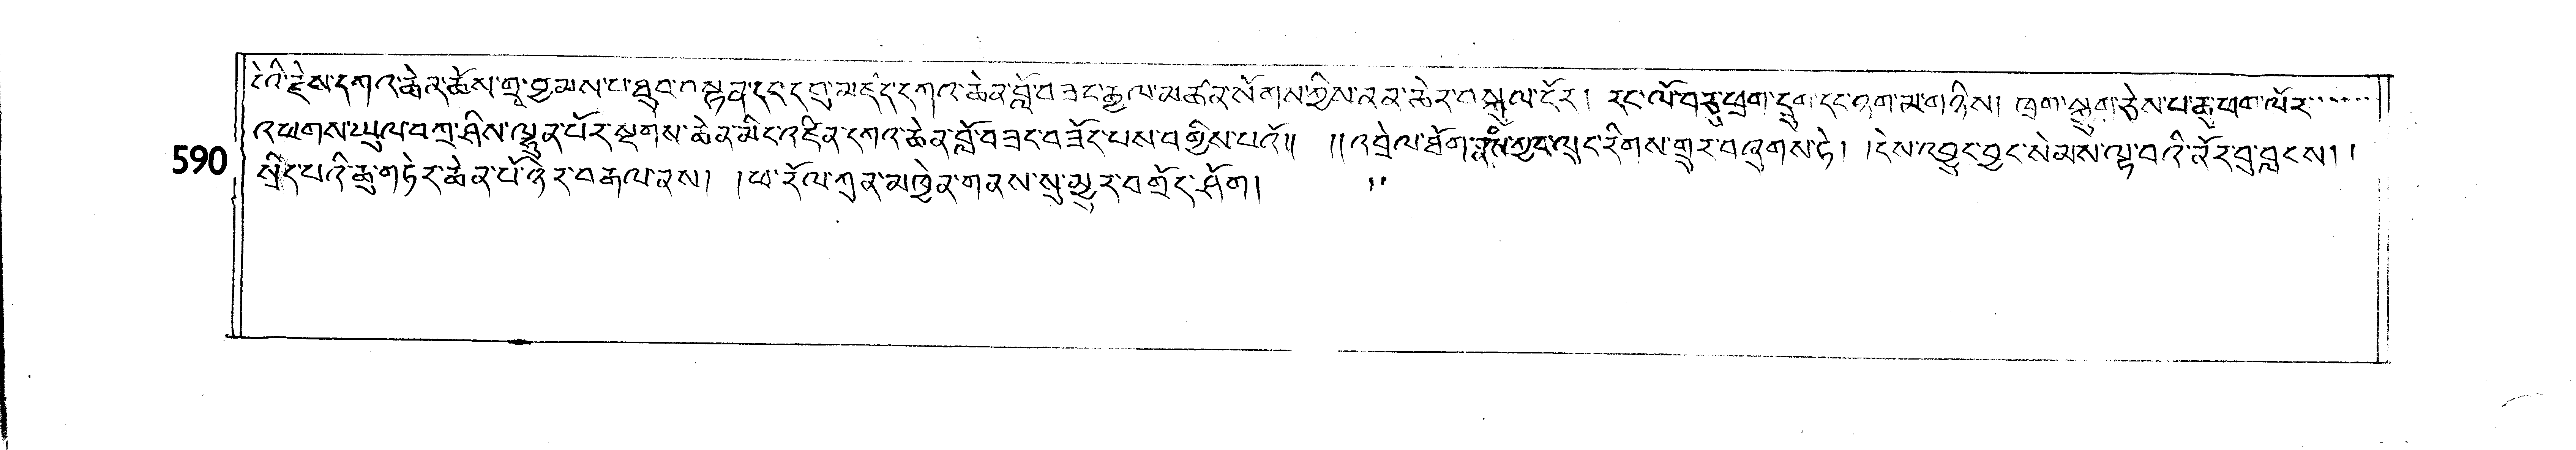དེའི་རྗེས་དཀའ་ཆེན་ཆོས་གྲྭ་བྱམས་པ་ཐུབ་བསྟན་དང་དབུ་མཛད་དཀའ་ཆེན་བློ་བཟང་རྒྱལ་མཚན་སོགས་ཀྱིས་ནན་ཆེར་བསྐུལ་ངོར། རང་ལོ་བཅུ་ཕྲག་དྲུག་དང་ཉག་མ་གཉིས། ཁྲག་སྐྱུག་ཅེས་པ་ཆུ་ཕག་ལོར་
འཕགས་ཡུལ་བཀྲ་ཤིས་ལྷུན་པོར་སྔགས་ཆེན་མིང་འཛིན་དཀའ་ཆེན་བློ་བཟང་བཟོད་པས་བགྱིས་པའོ།། །།འབྲེལ་ཐོག་རྣཾས་ཀྱང་ལུང་རིགས་གྲུར་བཞུགས་ཏེ། །དེས་འབྱུང་བྱང་སེམས་ལྟ་བའི་ནོར་བུ་བླངས། །
སྲིད་པའི་ཆུ་གཏེར་ཆེན་པོ་ཉེར་བརྒལ་ནས། །ཕ་རོལ་ཀུན་མཁྱེན་གནས་སུ་མྱུར་བགྲོད་ཤོག། །